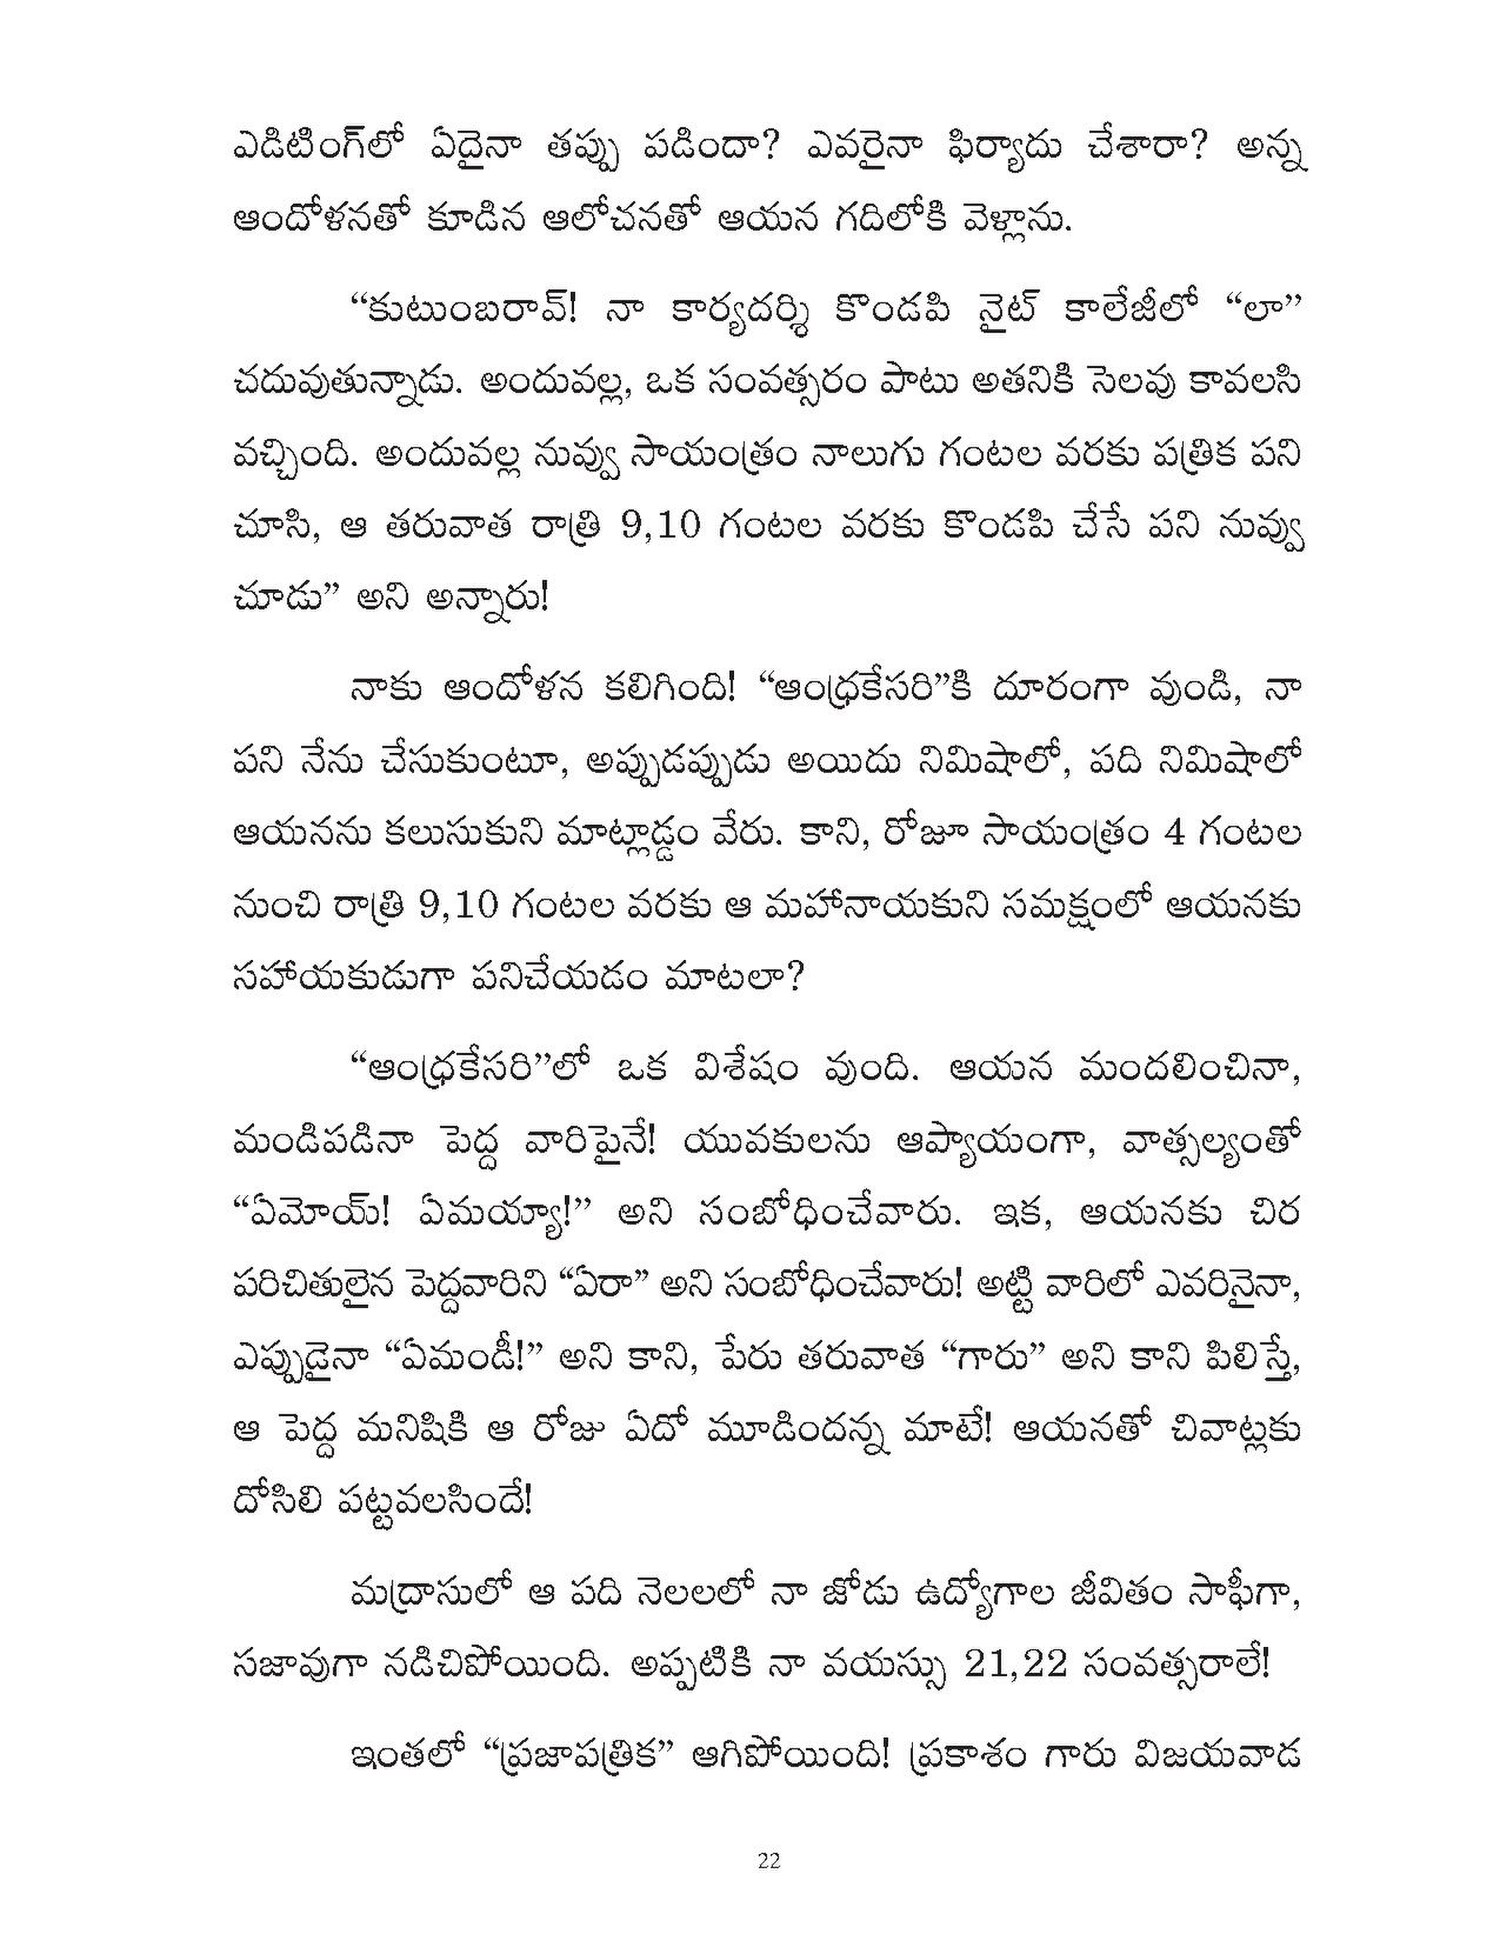ఎడిటింగ్‌లో ఏదైనా తప్పు పడిందా? ఎవరైనా ఫిర్యాదు చేశారా? అన్న
ఆందోళనతో కూడిన ఆలోచనతో ఆయన గదిలోకి వెళ్లాను.

"కుటుంబరావ్‌! నా కార్యదర్శి కొండపి నైట్‌ కాలేజీలో "లా"
చదువుతున్నాడు. అందువల్ల, ఒక సంవత్సరం పాటు అతనికి సెలవు కావలసి
వచ్చింది. అందువల్ల నువ్వు సాయంత్రం నాలుగు గంటల వరకు పత్రిక పని
చూసి, ఆ తరువాత రాత్రి 9,10 గంటల వరకు కొండపి చేసే పని నువ్వు
చూడు" అని అన్నారు!

నాకు ఆందోళన కలిగింది! "ఆంధ్రకేసరి"కి దూరంగా వుండి, నా
పని నేను చేసుకుంటూ, అప్పుడప్పుడు అయిదు నిమిషాలో, పది నిమిషాలో
ఆయనను కలుసుకుని మాట్లాడ్డం వేరు. కాని, రోజూ సాయంత్రం 4 గంటల
నుంచి రాత్రి 9,10 గంటల వరకు ఆ మహానాయకుని సమక్షంలో ఆయనకు
సహాయకుడుగా పనిచేయడం మాటలా?

"ఆంధ్రకేసరి"లో ఒక విశేషం వుంది. ఆయన మందలించినా,
మండిపడినా పెద్ద వారిపైనే! యువకులను ఆప్యాయంగా, వాత్సల్యంతో
"ఏమోయ్! ఏమయ్యా!" అని సంబోధించేవారు. ఇక, ఆయనకు చిర
పరిచితులైన పెద్దవారిని "ఏరా" అని సంబోధించేవారు! అట్టి వారిలో ఎవరినైనా,
ఎప్పుడైనా "ఏమండీ!" అని కాని, పేరు తరువాత "గారు" అని కాని పిలిస్తే,
ఆ పెద్ద మనిషికి ఆ రోజు ఏదో మూడిందన్న మాటే! ఆయనతో చివాట్లకు
దోసిలి పట్టవలసిందే!

మద్రాసులో ఆ పది నెలలలో నా జోడు ఉద్యోగాల జీవితం సాఫీగా,
సజావుగా నడిచిపోయింది. అప్పటికి నా వయస్సు 21,22 సంవత్సరాలే!

ఇంతలో "ప్రజాపత్రిక" ఆగిపోయింది! ప్రకాశం గారు విజయవాడ